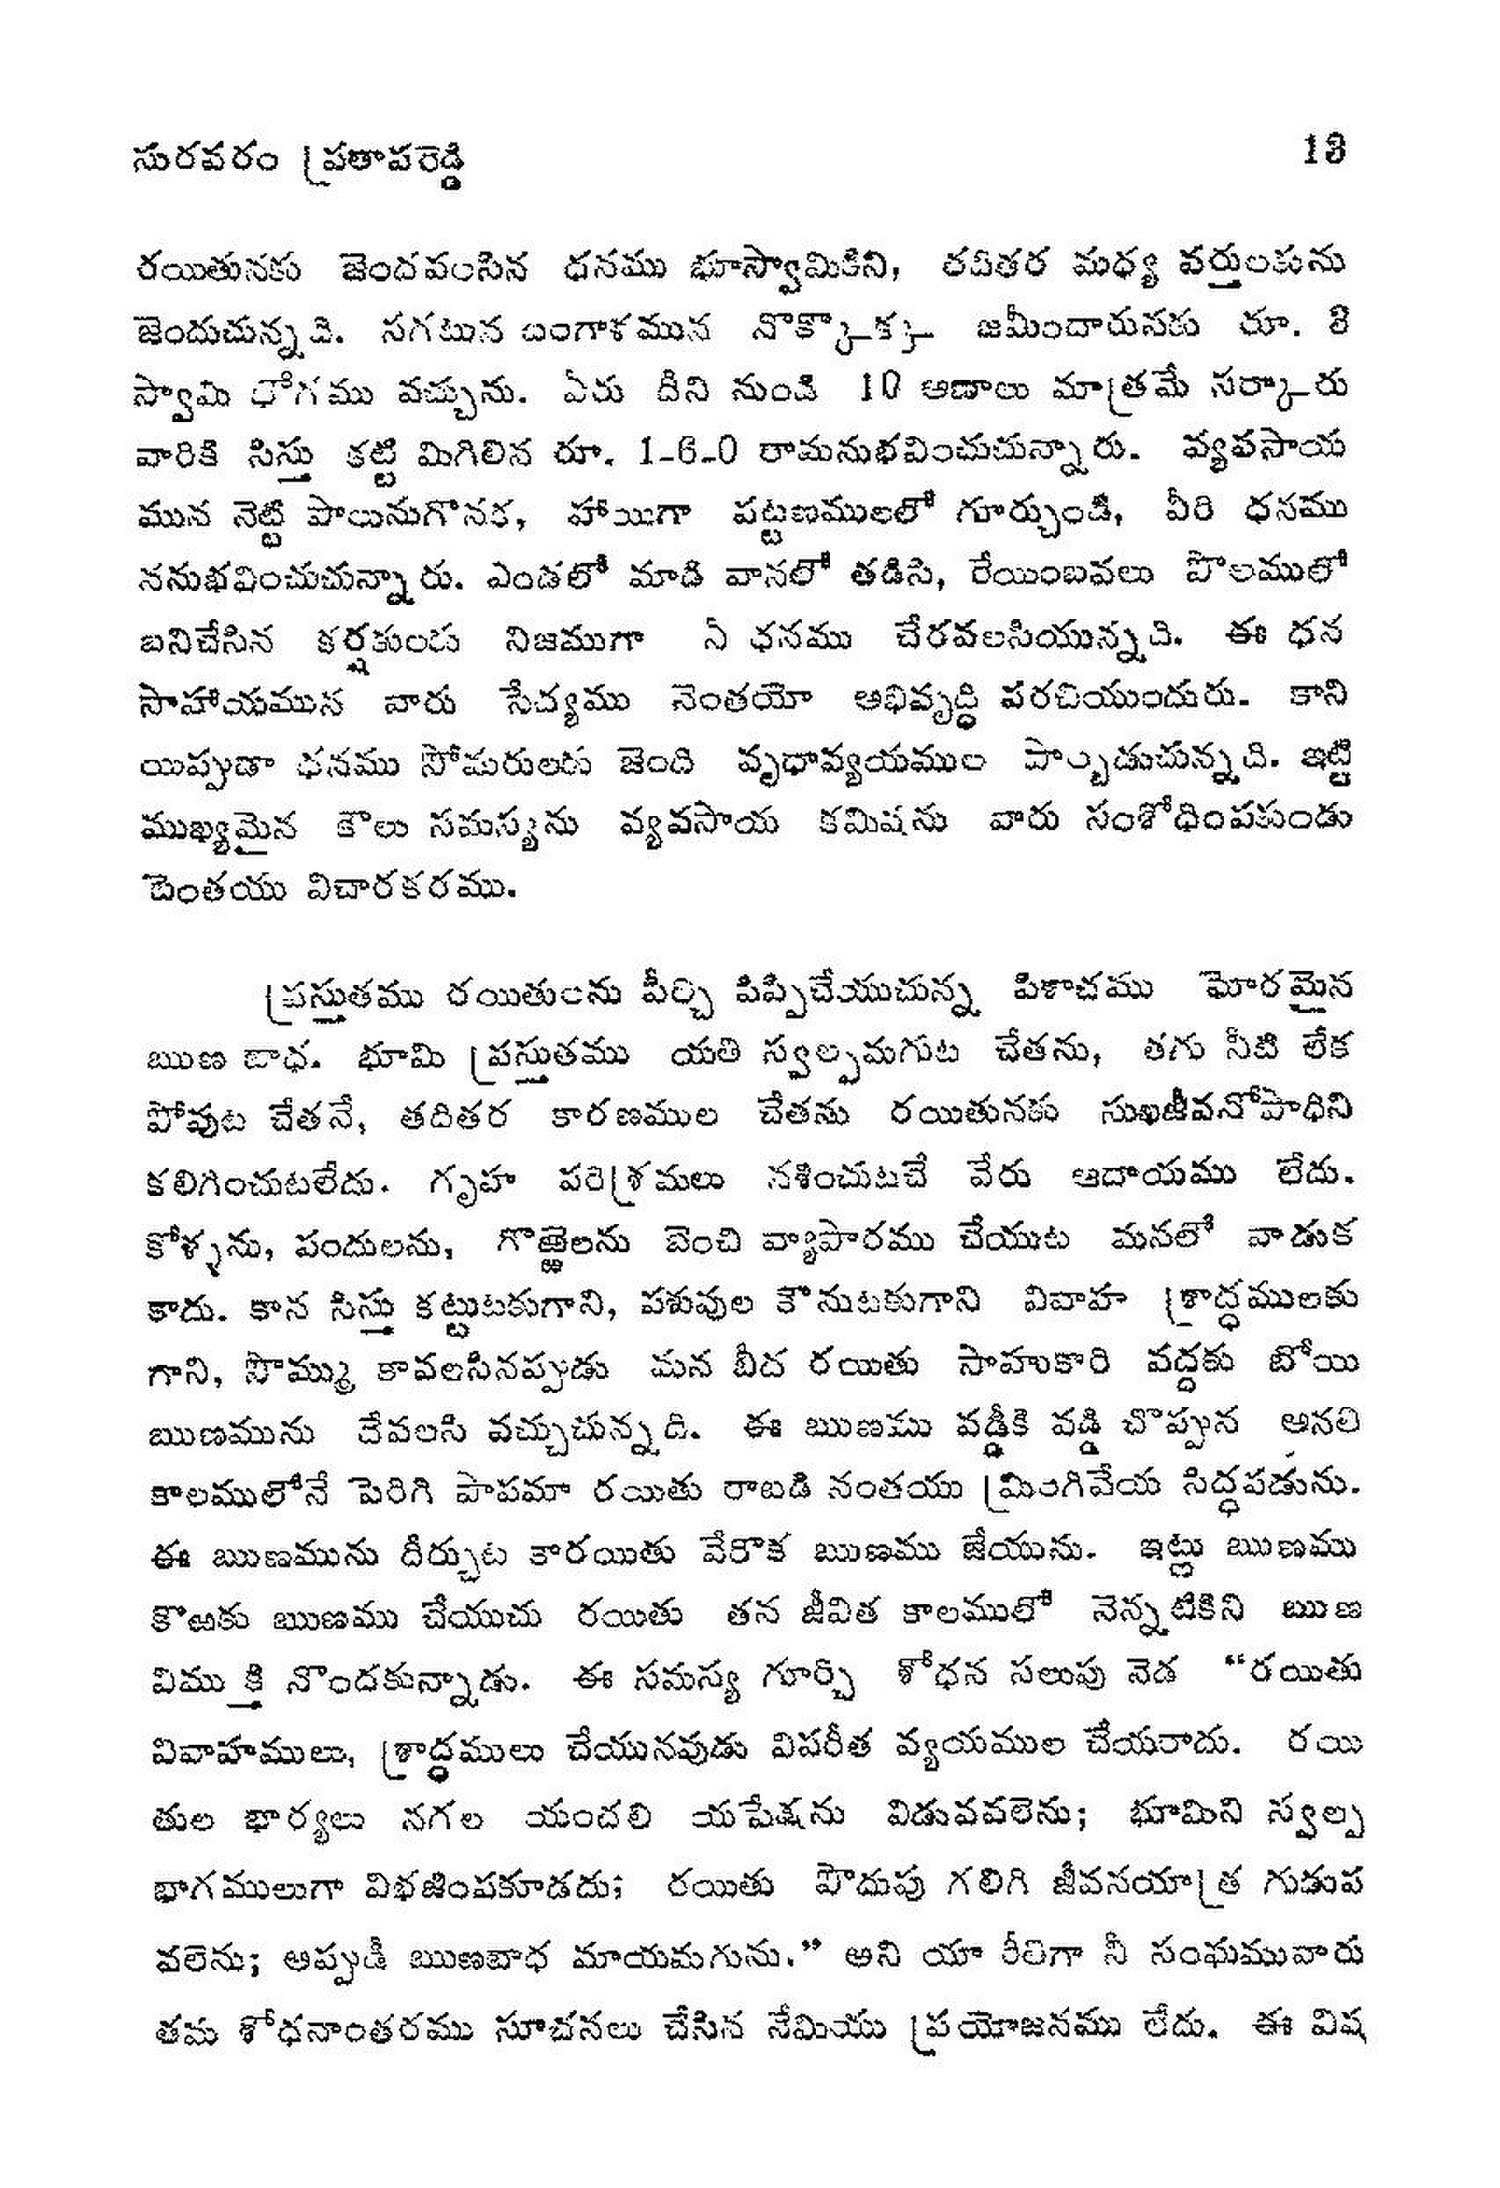రయితునకు జెందవలసిన ధనము భూస్వామికిని, తదితర మధ్య వర్తులకును జెందుచున్నది. సగటున బంగాళమున నొక్కొక్క జమీందారునకు రూ. 3 స్వామి భోగము వచ్చును. వీరు దీని నుండి 10 అణాలు మాత్రమే సర్కారువారికి సిస్తు కట్టి మిగిలిన రూ. 1-6-0 తామనుభవించుచున్నారు. వ్యవసాయమున నెట్టి పాలునుగొనక, హాయిగా పట్టణములలో గూర్చుండి, వీరి ధనము ననుభవించుచున్నారు. ఎండలో మాడి వానలో తడిసి, రేయింబవలు పొలములో బనిచేసిన కర్షకులకు నిజముగా నీ ధనము చేరవలసియున్నది. ఈ ధన సాహాయమున వారు సేద్యము నెంతయో అభివృద్ధి పరచియుందురు. కాని యిప్పుడా ధనము సోమరులకు జెంది వృధావ్యయముల పాల్బడుచున్నది. ఇట్టి ముఖ్యమైన కౌలు సమస్యను వ్యవసాయ కమిషను వారు సంశోధింపకుండు టెంతయు విచారకరము.

ప్రస్తుతము రయితులను పీల్చి పిప్పిచేయుచున్న పిశాచము ఘోరమైన ఋణ బాధ. భూమి ప్రస్తుతము యతి స్వల్పమగుట చేతను, తగు నీటి లేక పోవుట చేతనే, తదితర కారణముల చేతను రయితునకు సుఖజీవనోపాధిని
కలిగించుటలేదు. గృహ పరిశ్రమలు నశించుటచే వేరు ఆదాయము లేదు. కోళ్ళను, పందులను, గొఱ్ఱెలను బెంచి వ్యాపారము చేయుట మనలో వాడుక కాదు. కాన సిస్తు కట్టుటకుగాని, పశువుల కొనుటకుగాని వివాహ శ్రాద్ధములకు
గాని, సొమ్ము కావలసినప్పుడు మన బీద రయితు సాహుకారి వద్దకు బోయి ఋణమును దేవలసి వచ్చుచున్నది. ఈ ఋణము వడ్డీకి వడ్డీ చొప్పున అనతి కాలములోనే పెరిగి పాపమా రయితు రాబడి నంతయు మ్రింగివేయ సిద్ధపడును. ఈ ఋణమును దీర్చుట కారయితు వేరొక ఋణము జేయును. ఇట్లు ఋణము కొఱకు ఋణము చేయుచు రయితు తన జీవిత కాలములో నెన్నటికిని ఋణవిముక్తి నొందకున్నాడు. ఈ సమస్య గూర్చి శోధన సలుపు నెడ “రయితు వివాహములు, శ్రాద్ధములు చేయునవుడు విపరీత వ్యయముల చేయరాదు. రయితుల భార్యలు నగల యందలి యపేక్షను విడువవలెను; భూమిని స్వల్ప భాగములుగా విభజింపకూడదు; రయితు పొదుపు గలిగి జీవనయాత్ర గడుపవలెను; అప్పుడీ ఋణబాధ మాయమగును." అని యా రీతిగా నీ సంఘమువారు తమ శోధనాంతరము సూచనలు చేసిన నేమియు ప్రయోజనము లేదు. ఈ విష